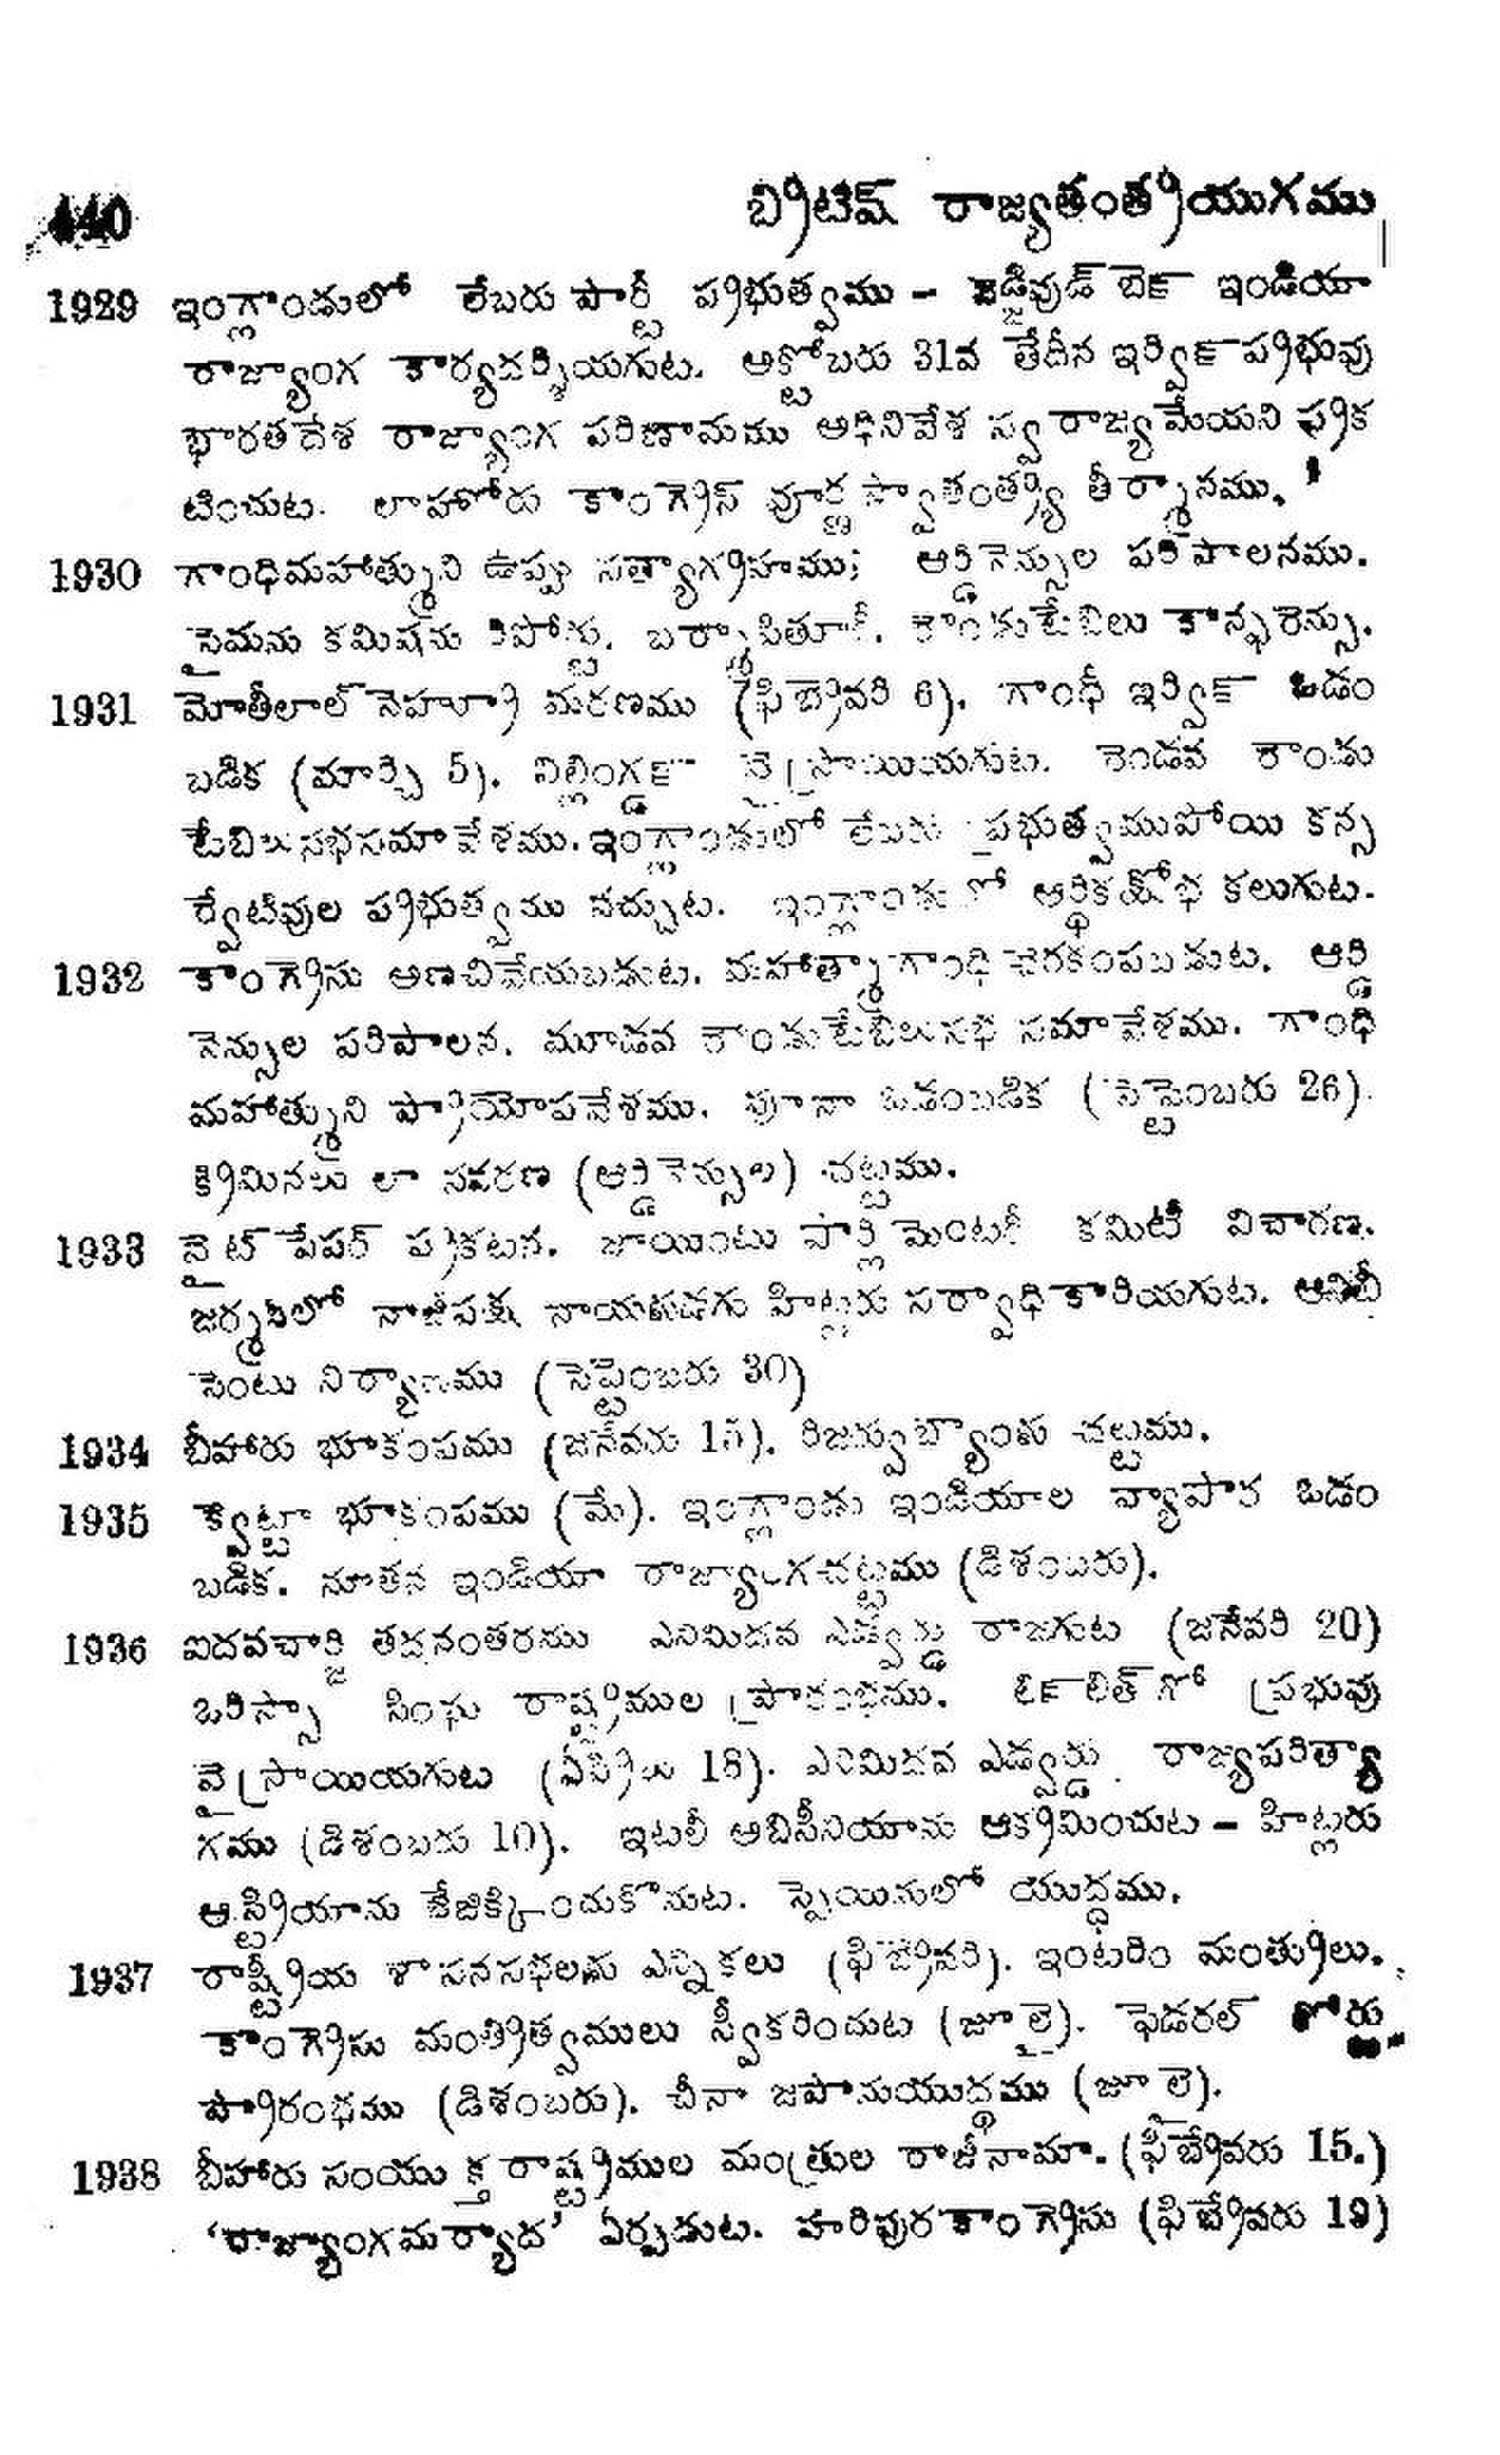1929 ఇంగ్లాండులో లేబరు పార్టీ ప్రభుత్వము - వెడ్జివుడ్‌బె౯ ఇండియా రాజ్యాంగ కార్యదర్శియగుట. అక్టోబరు 31వ తేదీన ఇర్వి౯ ప్రభువు భారతదేశ రాజ్యాంగ పరిణామము అధినివేశ స్వరాజ్యమేయని ప్రకటించుట. లాహోరు కాంగ్రెస్ వూర్ణ స్వాతంత్ర్య తీర్మానము. 

1930 గాంధిమహాత్ముని ఉప్పు సత్యాగ్రహము; ఆర్డినెన్సుల పరిపాలనము. సైమను కమిషను రిపోర్టు. బర్మాపితూరీ. రౌండుటేబిలు కాన్ఫరెన్సు. 

1931 మోతీలాల్ నెహ్రూ మరణము (ఫిబ్రెవరి 6). గాంధీ ఇర్వి౯ ఒడంబడిక (మార్చి 5). విల్లింగ్డ౯ వైస్రాయియగుట. రెండవ రౌండుటేబిలుసభసమావేశము. ఇంగ్లాండులో లేబరు ప్రభుత్వముపోయి కన్సర్వేటివుల ప్రభుత్వము వచ్చుట. ఇంగ్లాండులో ఆర్థికక్షోభ కలుగుట. 

1932 కాంగ్రెసు అణచివేయబడుట. మహాత్మాగాంధి చెరకంపబడుట. ఆర్డినెన్సుల పరిపాలన. మూడవ రౌండుటేబిలుసభ సమావేశము. గాంధిమహాత్ముని ప్రాయోపవేశము. పూనా ఒడంబడిక (సెప్టెంబరు 26).
క్రిమినలు లా సవరణ (ఆర్డినెన్సుల) చట్టము. 

1933 వైట్ పేపర్ ప్రకటన. జాయింటు పార్లమెంటరీ కమిటీ విచారణ. జర్మనీలో నాజీపక్ష నాయకుడగు హిట్లరు సర్వాధికారియగుట. అనిబీసెంటు నిర్యాణము (సెప్టెంబరు 30) 

1934 బీహారు భూకంపము (జనవరు 15), రిజర్వు బ్యాంకు చట్టము. 

1935 క్వెట్టా భూకంపము (మే). ఇంగ్లాండు ఇండియాల వ్యాపార ఒడంబడిక . నూతన ఇండియా రాజ్యాంగచట్టము (డిశంబరు). 

1936 ఐదవచార్జి తదనంతరము ఎనిమిదవ ఎడ్వర్డు రాజగుట (జనేవరి 20) ఒరిస్సా సింధు రాష్ట్రముల ప్రారంభము. లి౯లిత్‌గో ప్రభువు వైస్రాయియగుట (ఏప్రెలు 18). ఎనిమిదవ ఎడ్వర్డు రాజ్యపరిత్యాగము (డిశంబరు 10). ఇటలీ అబిసీనియాను ఆక్రమించుట - హిట్లరు ఆస్ట్రియాను జేజిక్కించుకొనుట. స్పెయినులో యుద్దము. 

1937 రాష్ట్రీయ శాసనసభలకు ఎన్నికలు (ఫిబ్రెవరి). ఇంటరిం మంత్రులు.. కాంగ్రెసు మంత్రిత్వములు స్వీకరించుట (జూలై). ఫెడరల్ కోర్టు ప్రారంభము (డిశంబరు). చీనా జుపానుయుద్ధము (జూలై). 

1938 బీహారు సంయుక్త రాష్ట్రముల మంత్రుల రాజీనామా. (ఫిబ్రేవరు 15.) 'రాజ్యాంగమర్యాద' ఏర్పడుట. హరిపుర కాంగ్రెసు (ఫిబ్రేవరు 19)